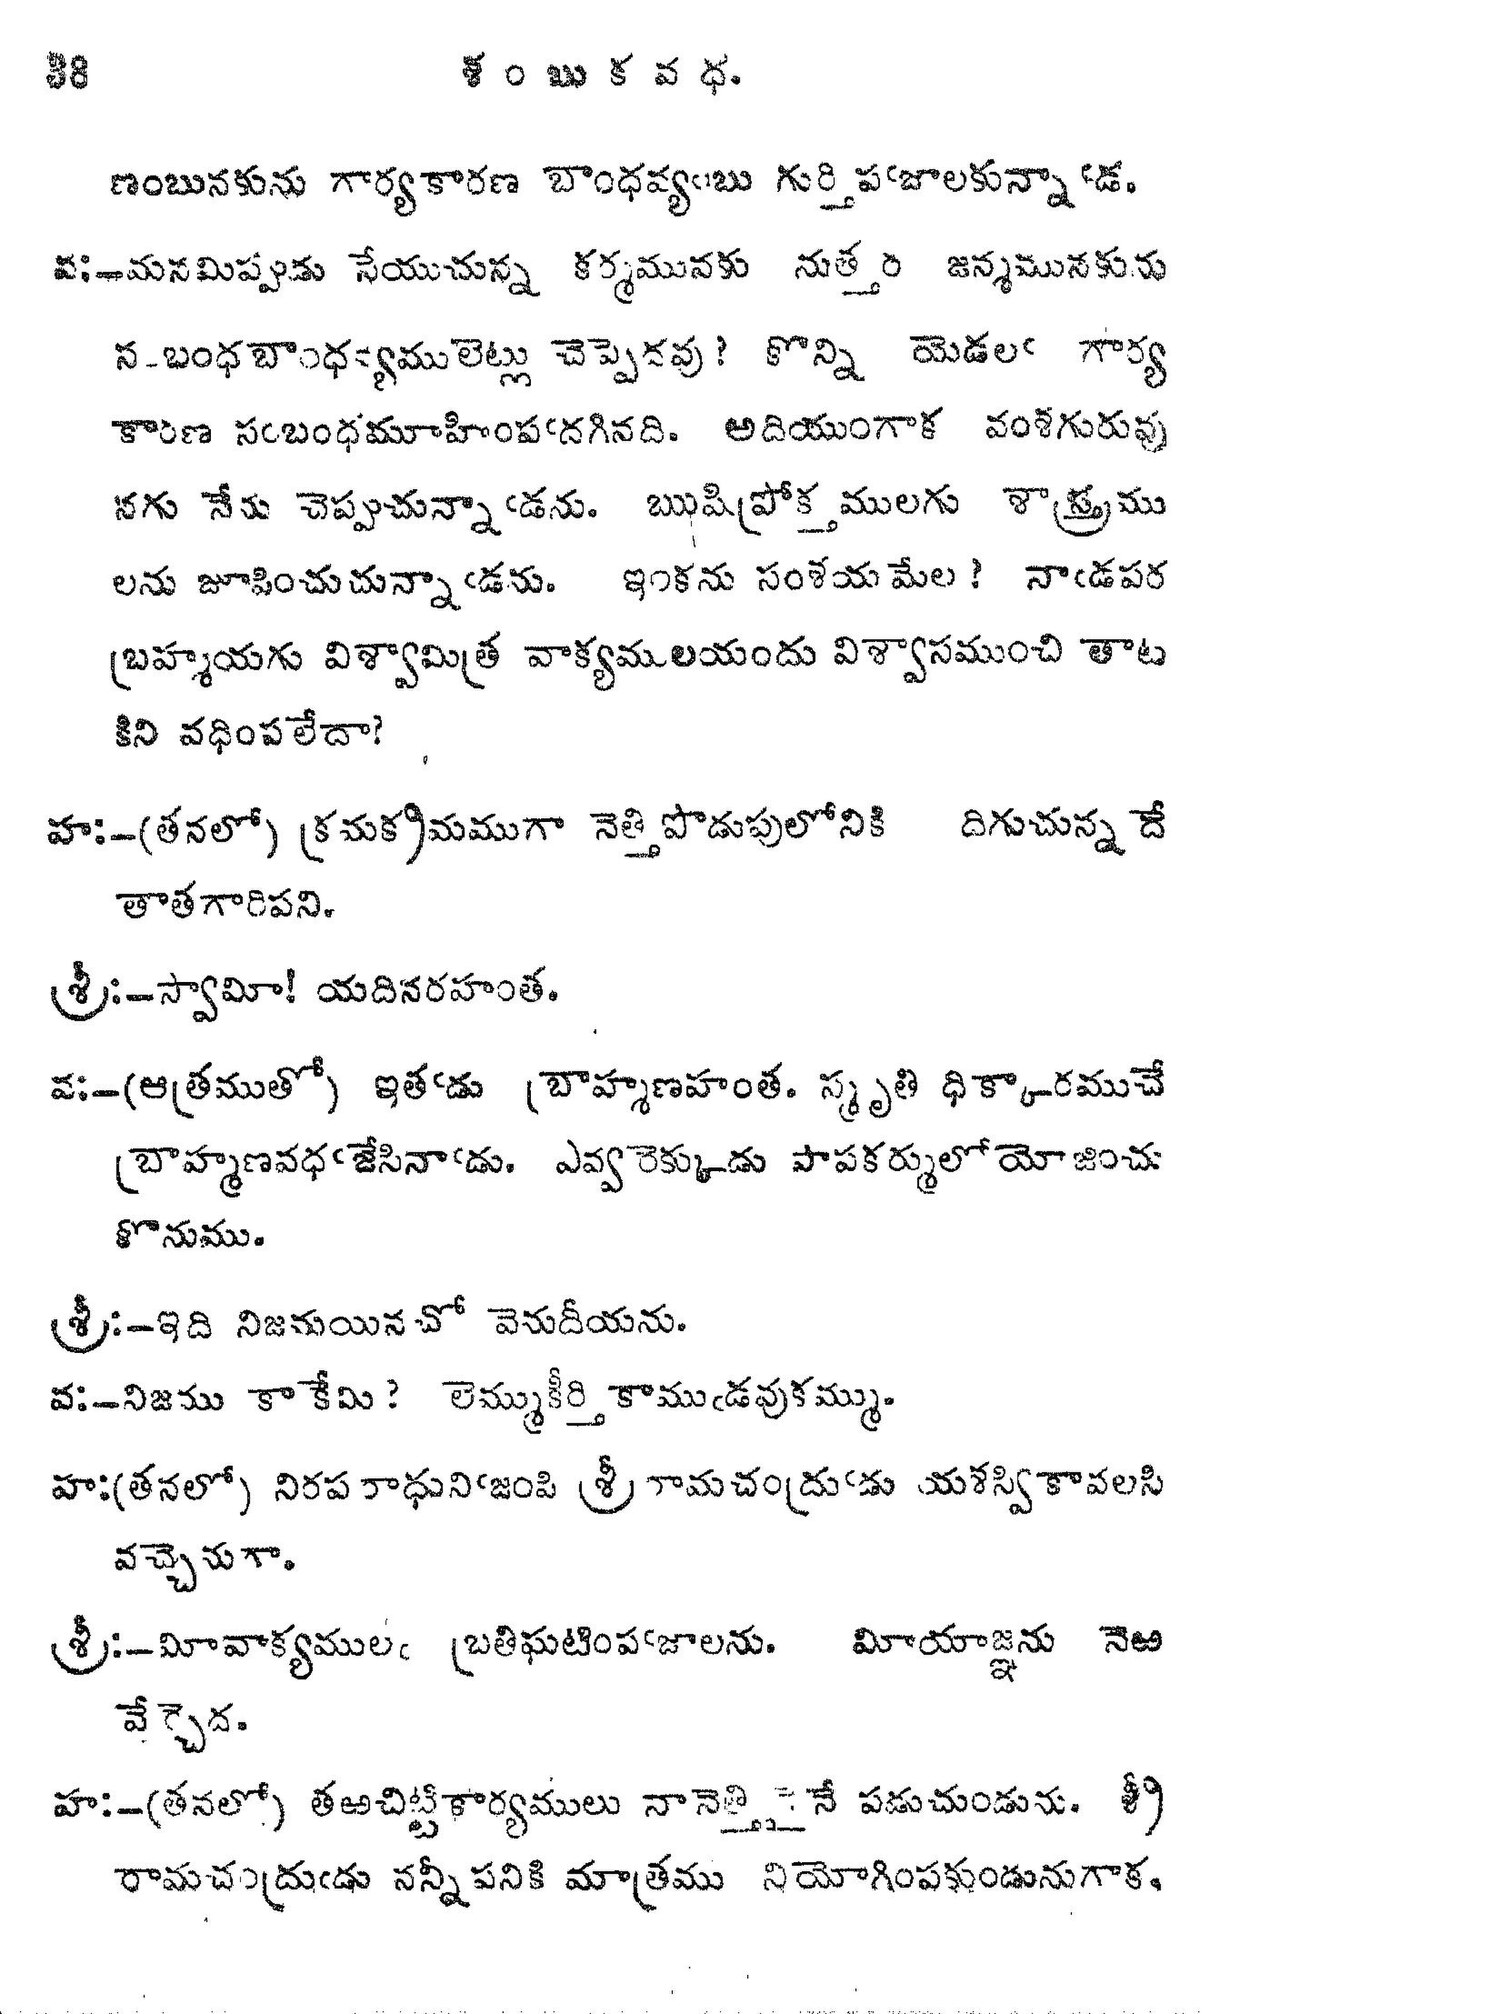గంబునకును గార్య కారణ బాంధవ్యంబు గుర్తింపజాలకున్నాడు..

వ; మనమిప్పుడు సేయుచున్న కర్మమునకు నుత్ర జన్మమునకును
 సంబంధ బాంధస్యము లెట్లు చెప్పెదవు. కొన్ని యెడల గార్య
 కారణ సంబంధమూహింపదగినది. అదియుంగాక వంశగురువు
 నగు నేను చెప్పుచున్నాఁడను. ఋషి ప్రోక్తములగు శాస్త్రము
 లను జూపించుచున్నాఁడను. ఇంకను సంశయమేల ! నాఁడపర
 బ్రహ్మయగు విశ్వామిత్ర వాక్యములయందు విశ్వాసముంచి తాట
 కిని వధింప లేదా?

హ:- (తనలో) క్రమక్రమముగా నెత్తి పొడుపులోనికి దిగుచున్నదే
 తాతగారిపని.

శ్రీ:- స్వామి! యది నరహంత.

వ: (ఆత్రముతో) ఇతఁడు బ్రాహ్మణహంత. స్మృతి ధిక్కారముచే
 బ్రాహ్మణవధఁ జేసినాడు. ఎవ్వరెక్కుడు పాపకర్ములో యోజించు
 కొనుము.

శ్రీ:- ఇది నిజముయినచో వెనుదీయను.

వ: నిజము కాకేమి ? లెమ్ము కీర్తి కాముఁడవుకమ్ము.

హ: (తనలో) నిరపరాధునిఁజంపి శ్రీ రామచంద్రుఁడు యశస్వికావలసి
 వచ్చేనుగా.

శ్రీ:- ఈ వాక్యములఁ బ్రతిఘటింపజాలను. మాయాజ్ఞను నేఱ
 వేర్చెద.

హ:- (తనలో) తఱచిట్టి కార్యములు నా నెత్తి నే పడుచుండును. శ్రీ 
 రామచంద్రుఁడు నన్నీ పనికి మాత్రము నియోగింపకుండునుగాక,